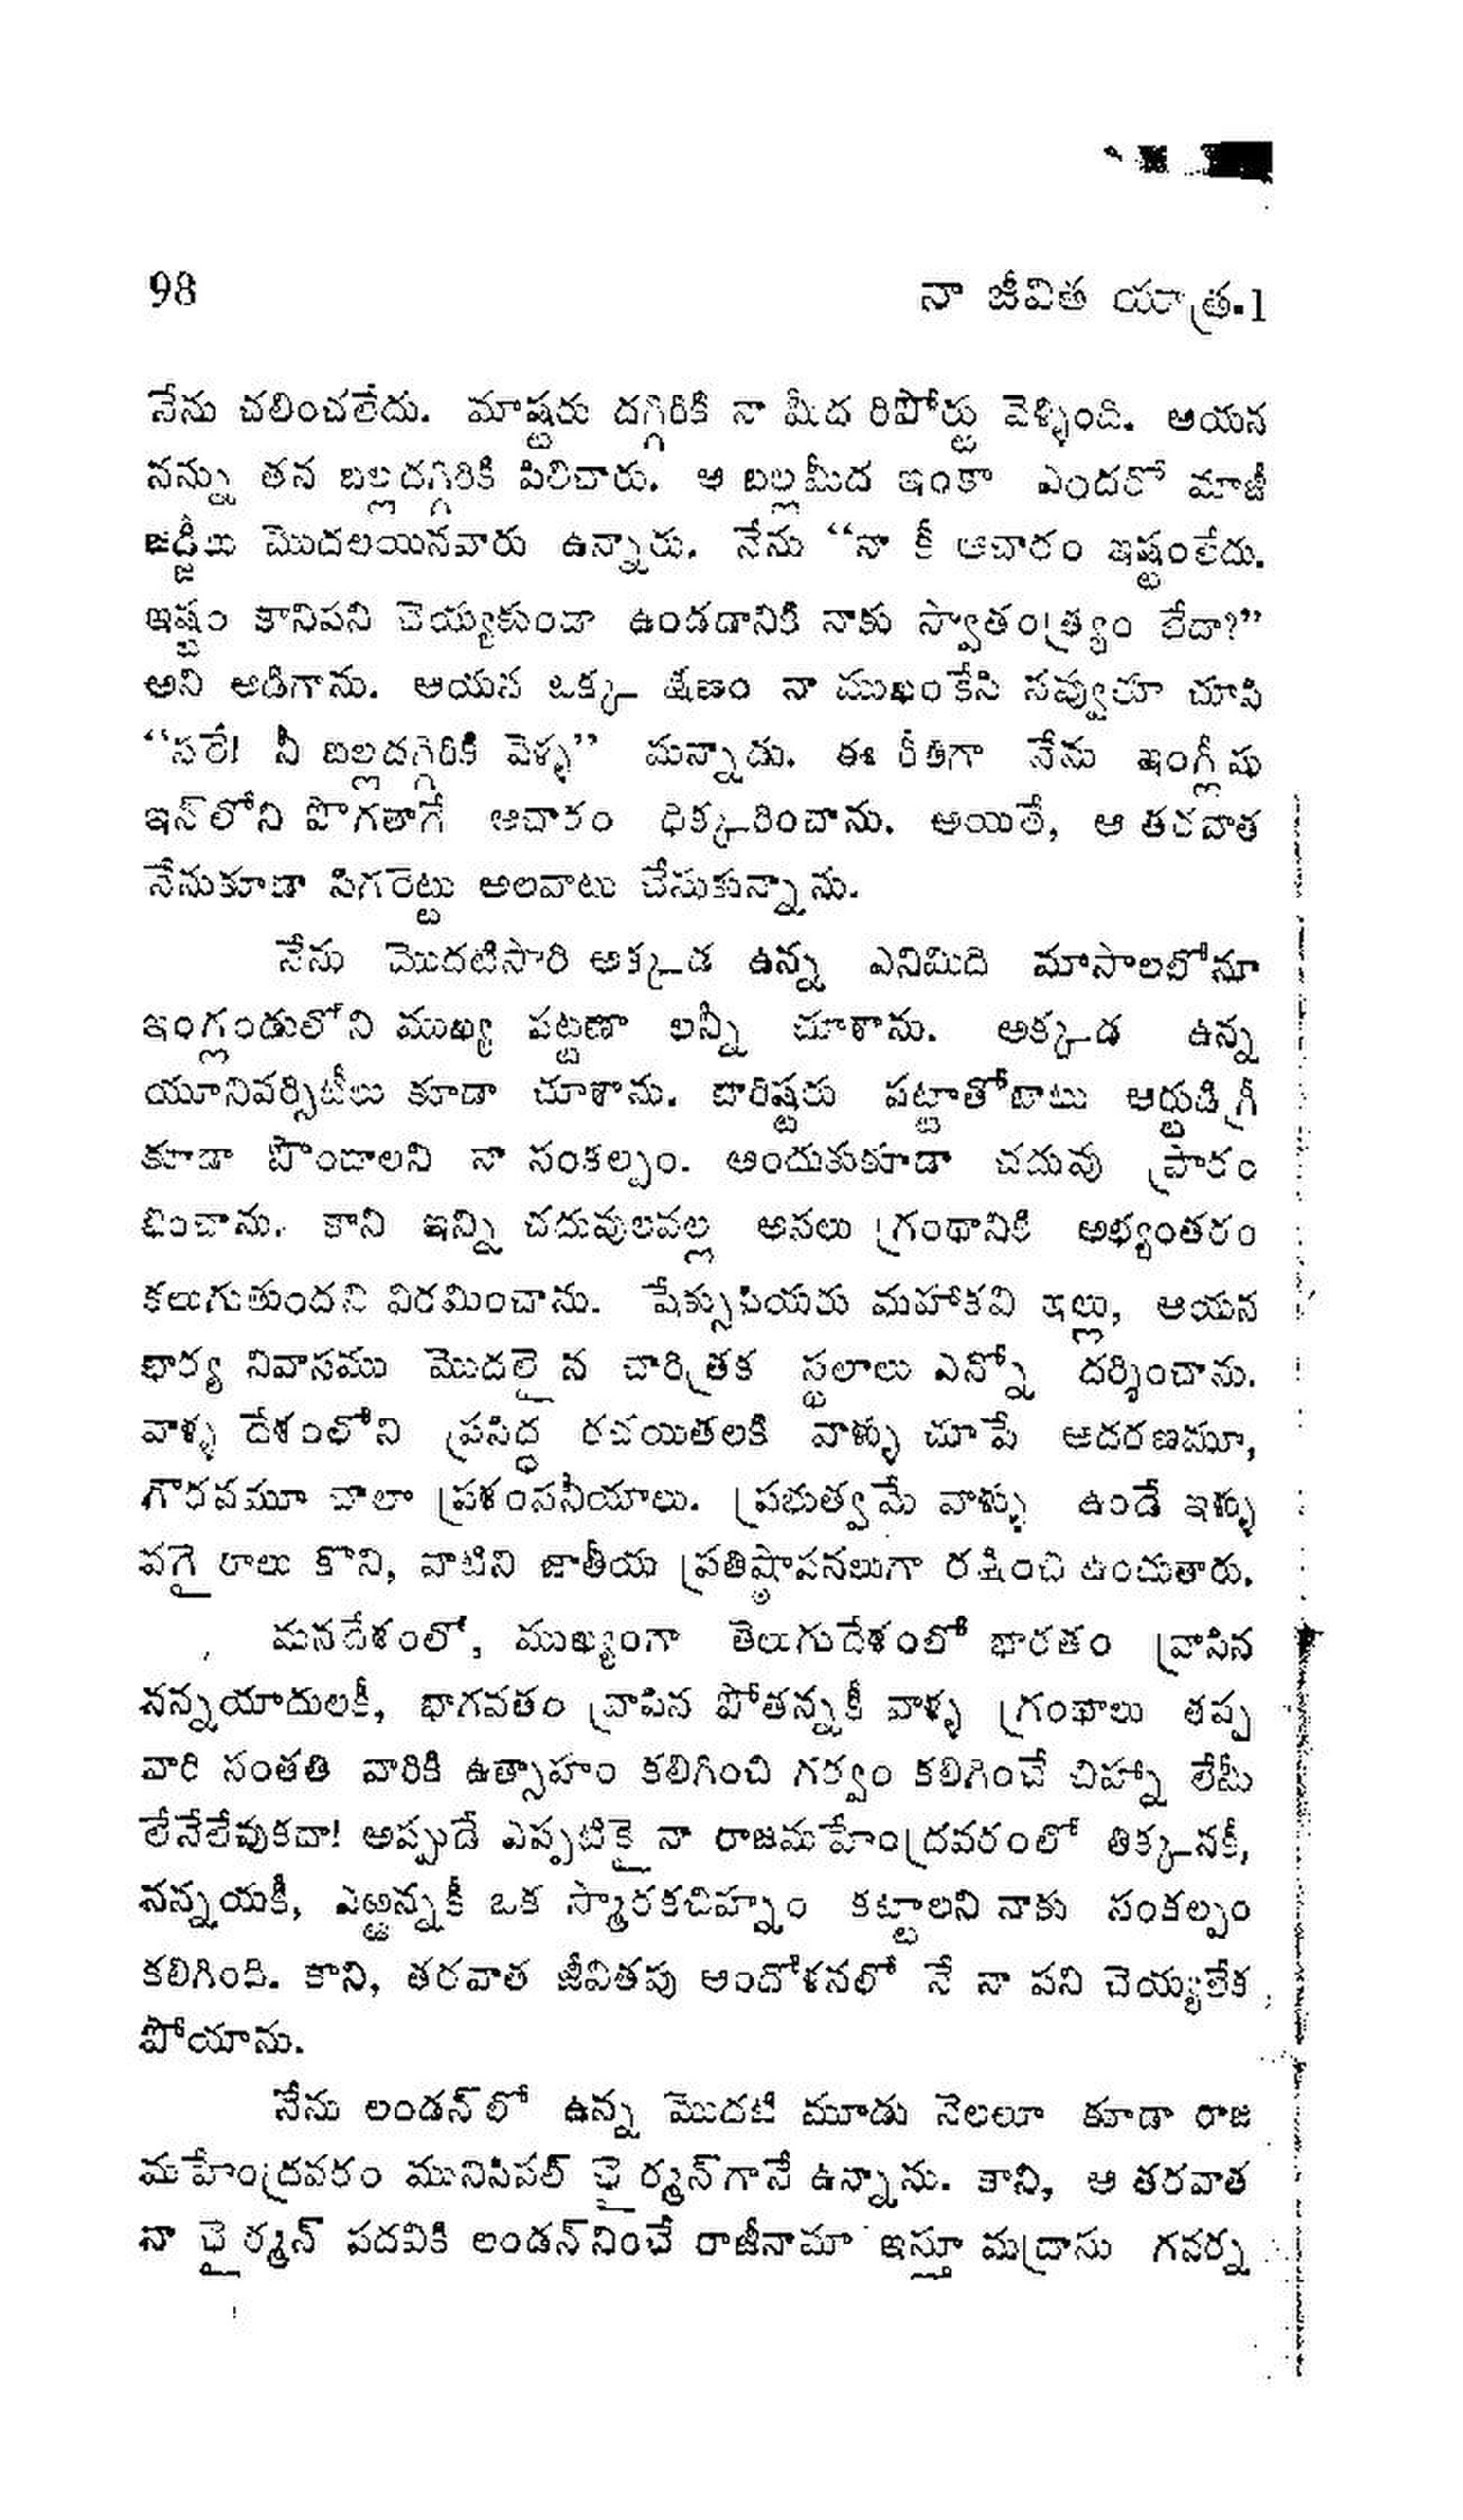నేను చలించలేదు. మాష్టరు దగ్గిరికి నా మీద రిపోర్టు వెళ్ళింది. ఆయన నన్ను తన బల్లదగ్గిరికి పిలిచారు. ఆ బల్లమీద ఇంకా ఎందరో మాజీ జడ్జీలు మొదలయినవారు ఉన్నారు. నేను "నా కీ ఆచారం ఇష్టంలేదు. ఇష్టం కానిపని చెయ్యకుండా ఉండడానికి నాకు స్వాతంత్ర్యం లేదా?" అని అడిగాను. ఆయన ఒక్క క్షణం నా ముఖంకేసి నవ్వుతూ చూసి "సరే! నీ బల్లదగ్గిరికి వెళ్ళ" మన్నాడు. ఈ రీతిగా నేను ఇంగ్లీషు ఇన్‌లోని పొగతాగే ఆచారం ధిక్కరించాను. అయితే, అ తరవాత నేనుకూడా సిగరెట్టు అలవాటు చేసుకున్నాను.

నేను మొదటిసారి అక్కడ ఉన్న ఎనిమిది మాసాలలోనూ ఇంగ్లండులోని ముఖ్య పట్టణా లన్నీ చూశాను. అక్కడ ఉన్న యూనివర్సిటీలు కూడా చూశాను. బారిష్టరు పట్టాతోబాటు ఆర్టుడిగ్రీ కూడా పొందాలని నా సంకల్పం. అందుకుకూడా చదువు ప్రారంభించాను. కాని ఇన్ని చదువులవల్ల అసలు గ్రంథానికి అభ్యంతరం కలుగుతుందని విరమించాను. షేక్సుఫియరు మహాకవి ఇల్లు, ఆయన భార్య నివాసము మొదలైన చారిత్రక స్థలాలు ఎన్నో దర్శించాను. వాళ్ళ దేశంలోని ప్రసిద్ధ రచయితలకి వాళ్ళు చూపే ఆదరణమూ, గౌరవమూ చాలా ప్రశంసనీయాలు. ప్రభుత్వమే వాళ్ళు ఉండే ఇళ్ళు వగైరాలు కొని, వాటిని, జాతీయ ప్రతిష్ఠాపనలుగా రక్షించి ఉంచుతారు.

మనదేశంలో, ముఖ్యంగా తెలుగుదేశంలో భారతం వ్రాసిన నన్నయాదులకీ, భాగవతం వ్రాసిన పోతన్నకీ వాళ్ళ గ్రంథాలు తప్ప వారి సంతతి వారికి ఉత్సాహం కలిగించి గర్వం కలిగించే చిహ్నా లేమీ లేనేలేవుకదా! అప్పుడే ఎప్పటికైనా రాజమహేంద్రవరంలో తిక్కనకీ, నన్నయకీ, ఎఱ్ఱన్నకీ ఒక స్మారకచిహ్నం కట్టాలని నాకు సంకల్పం కలిగింది. కాని, తరవాత జీవితపు ఆందోళనలో నే నా పని చెయ్యలేక పోయాను.

నేను లండన్‌లో ఉన్న మొదటి మూడు నెలలూ కూడా రాజమహేంద్రవరం మునిసిపల్ ఛైర్మన్‌గానే ఉన్నాను. కాని, అ తరవాత నా ఛైర్మన్ పదవికి లండన్‌నించే రాజీనామా ఇస్తూ మద్రాసు గవర్న